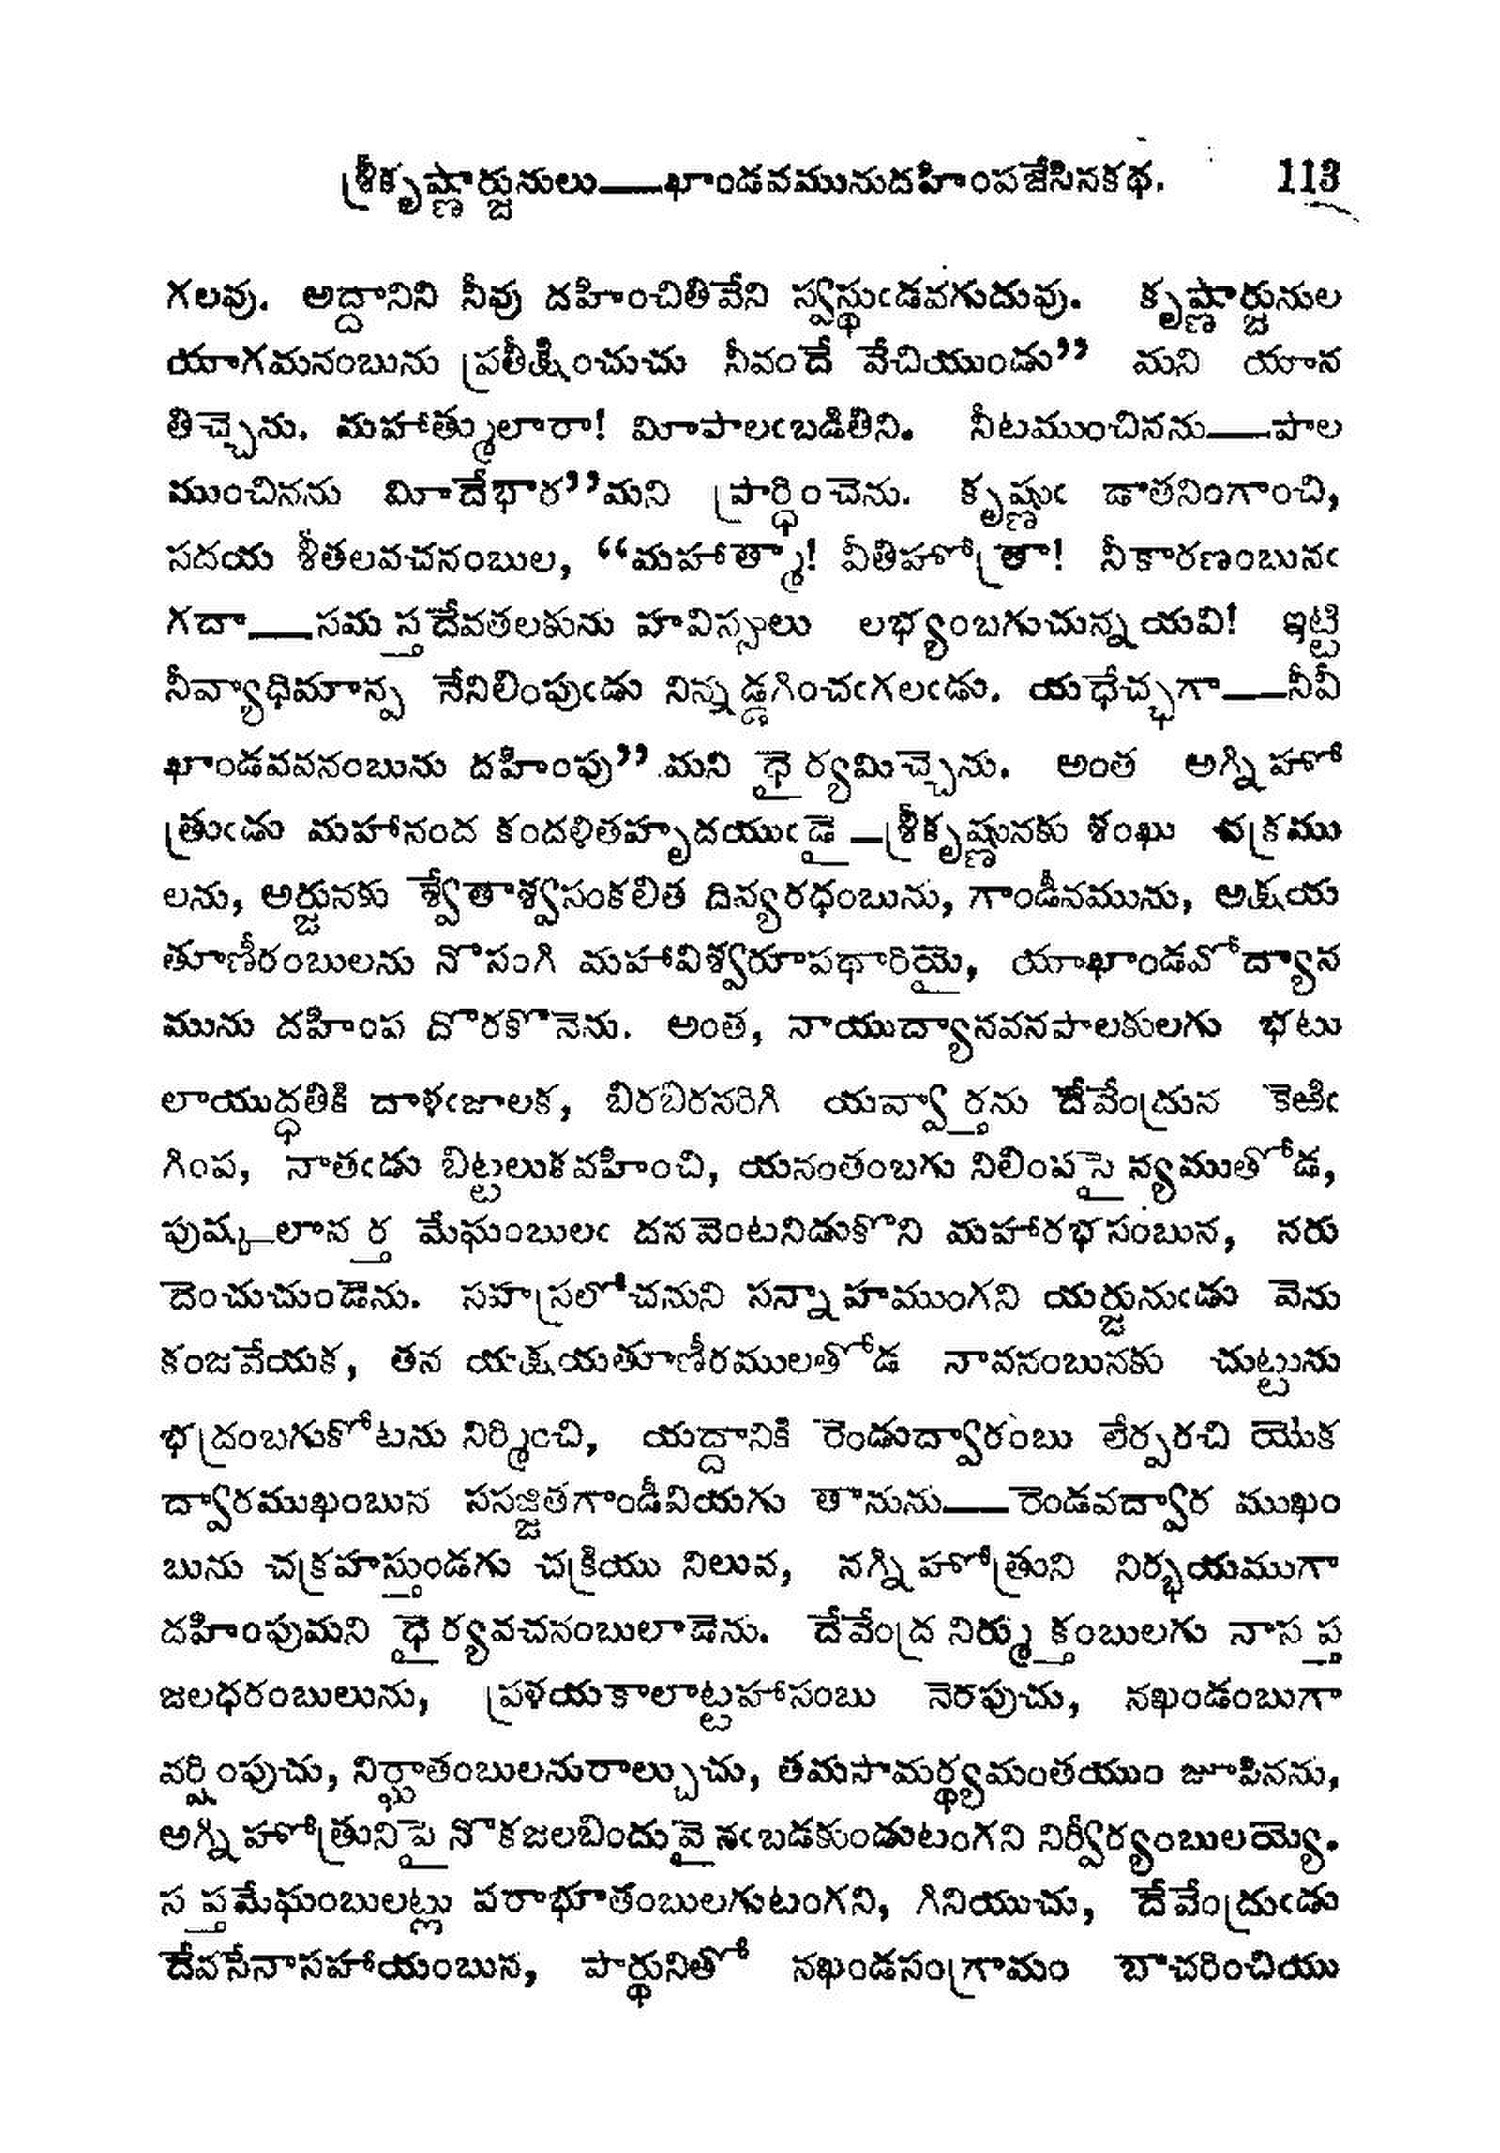గలవు. అద్దానిని నీవు దహించితివేని స్వస్థుఁడవగుదువు. కృష్ణార్జునుల యాగమనంబును ప్రతీక్షించుచు నీవందే వేచియుండు” మని యానతిచ్చెను, మహాత్ములారా! మిపాలఁబడితిని. నీటముంచినను——పాల ముంచినను మీదే భార"మని ప్రార్థించెను. కృష్ణుఁ డాతనింగాంచి, సదయ శీతలవచనంబుల, “మహాత్మా! వీతిహోత్రా! నీ కారణంబునఁ గదా——సమస్త దేవతలకును హవిస్సులు లభ్యంబగుచున్నయవి! ఇట్టి నీ వ్యాధిమాన్ప నేనిలింపుఁడు నిన్నడ్డగించఁగలఁడు. యధేచ్ఛగా——నీవీ ఖాండవవనంబును దహింపు" మని ధైర్యమిచ్చెను. అంత అగ్ని హోత్రుఁడు మహానంద కందళిత హృదయుఁడై——శ్రీకృష్ణునకు శంఖు చక్రములను, అర్జునకు శ్వేతాశ్వసంకలిత దివ్యరధంబును, గాండీవమును, అక్షయ తూణీరంబులను నోసంగి మహావిశ్వరూపథారియై, యాఖాండవోద్యానమును దహింప దొరకొనెను. అంత, నాయుద్యానవనపాలకులగు భటు
లాయుద్ధతికి దాళఁజాలక, బిరబిరనరిగి యవ్వార్తను దేవేంద్రున కెఱిఁగింప, నాతఁడు బిట్టలుక వహించి, యనంతంబగు నిలింప సైన్యముతోడ, పుష్కలావర్త మేఘంబులఁ దనవెంటనిడుకొని మహారభసంబున, నరు దెంచుచుండెను. సహస్ర లోచనుని సన్నాహముంగని యర్జునుఁడు వెనుకంజవేయక, తన యక్షయతూణీరములతోడ నావనంబునకు చుట్టును
భద్రంబగుకోటను నిర్మించి, యద్దానికి రెండు ద్వారంబు లేర్పరచి యొక ద్వారముఖంబున ససజ్జితగాండీవియగు తానును——రెండవద్వార ముఖంబును చక్రహస్తుండగు చక్రియు నిలువ, నగ్నిహోత్రుని నిర్భయముగా దహింపుమని ధైర్యవచనంబు లాడెను. దేవేంద్ర నిర్ముక్తంబులగు నాసప్త జలధరంబులును, ప్రళయకాలాట్టహాసంబు నెరపుచు, నఖండంబుగా
వర్షింపుచు, నిర్ఘాతంబులనురాల్చుచు, తమ సామర్థ్యమంతయుం జూపినను, అగ్నిహోత్రునిపై నొక జలబిందువైనఁ బడకుండుటంగని నిర్వీర్యంబులయ్యె. సప్తమేఘంబులట్లు పరాభూతంబులగుటంగని, గినియుచు, దేవేంద్రుఁడు
దేవసేనాసహాయంబున, పార్థునితో నఖండసంగ్రామం బాచరించియు